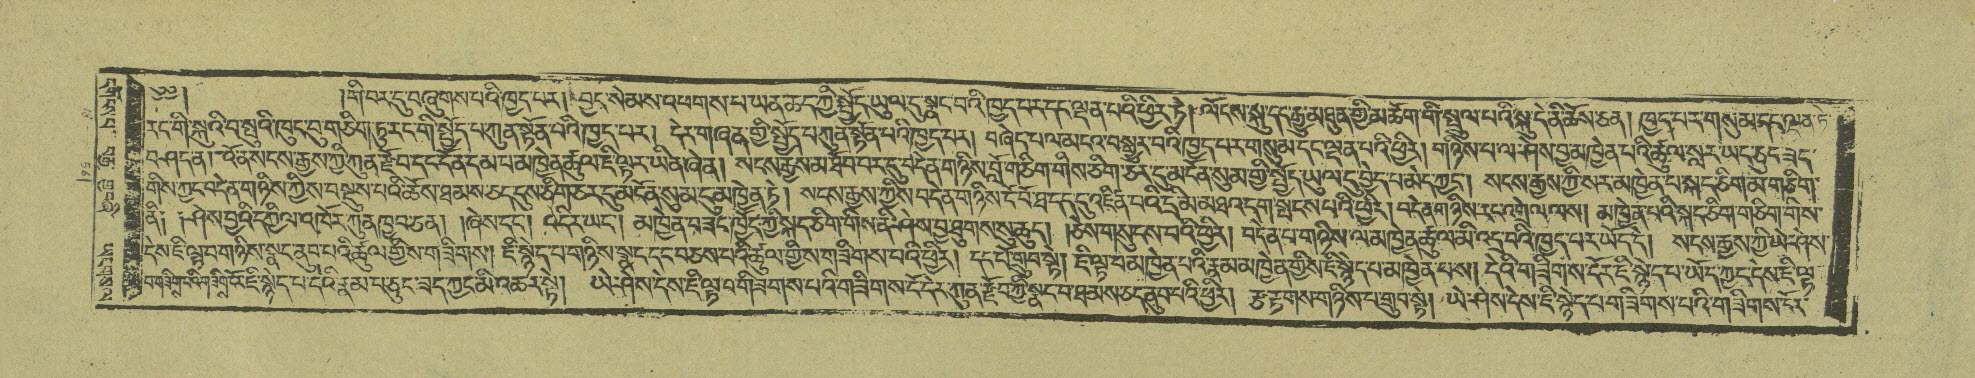༄༅། །གི་བར་དུ་བཞུགས་པའི་ཁྱད་པར། བྱང་སེམས་འཕགས་པ་ཡན་ཆད་ཀྱི་སྤྱོད་ཡུལ་དུ་སྣང་བའི་ཁྱད་པར་དང་ལྡན་པའི་ཕྱིར་ཏེ། ལོངས་སྐུ་དང་རྒྱུ་མཐུན་གྱི་མཆོག་གི་སྤྲུལ་པའི་སྐུ་དེ་ནི་ཆོས་ཅན། ཁྱད་པར་གསུམ་དང་ལྡན་ཏེ་
རང་གི་སྐུའི་བ་སྤུའི་ཁུང་བུ་གཅིག་ཏུ་རང་གི་སྤྱོད་པ་ཀུན་སྟོན་པའི་ཁྱད་པར། དེར་གཞན་གྱི་སྤྱོད་པ་ཀུན་སྟོན་པའི་ཁྱད་པར། བཞེད་པ་ལ་མངའ་བསྒྱུར་བའི་ཁྱད་པར་གསུམ་དང་ལྡན་པའི་ཕྱིར། གཉིས་པ་ལ་ཤེས་བྱ་མཁྱེན་པའི་ཚུལ་སླར་ཡང་ཅུང་ཟད་
བཤད་ན། འོ་ན་སངས་རྒྱས་ཀྱི་ཀུན་རྫོབ་དང་དོན་དམ་པ་མཁྱེན་ཚུལ་ཇི་ལྟར་ཡིན་ཞེ་ན། སངས་རྒྱས་མ་ཐོབ་པར་དུ་བདེན་གཉིས་བློ་གཅིག་གིས་ཅིག་ཅར་དུ་མངོན་སུམ་གྱི་སྤྱོད་ཡུལ་དུ་བྱེད་པ་མེད་ཀྱང་། སངས་རྒྱས་ཀྱི་སར་མཁྱེན་པ་སྐད་ཅིག་མ་གཅིག་
གིས་ཀྱང་བདེན་གཉིས་ཀྱིས་བསྡུས་པའི་ཆོས་ཐམས་ཅད་དུས་ཅིག་ཅར་དུ་མངོན་སུམ་དུ་མཁྱེན་ཏེ། སངས་རྒྱས་ཀྱིས་བདེན་གཉིས་ངོ་བོ་ཐ་དད་དུ་འཛིན་པའི་དྲི་མ་མཐའ་དག་སྤངས་པའི་ཕྱིར། བདེན་གཉིས་རང་འགྲེལ་ལས། མཁྱེན་པའི་སྐད་ཅིག་གཅིག་གིས་
ནི། །ཤེས་བྱའི་དཀྱིལ་འཁོར་ཀུན་ཁྱབ་ཅན། །ཞེས་དང་། འདིར་ཡང་། མཁྱེན་བཟང་ཁྱོད་ཀྱི་སྐད་ཅིག་གིས་ནི་ཤེས་བྱ་ཐུགས་སུ་ཆུད། །ཅེས་གསུངས་པའི་ཕྱིར། བདེན་པ་གཉིས་ལ་མཁྱེན་ཚུལ་མི་འདྲ་བའི་ཁྱད་པར་ཡོད་དེ། སངས་རྒྱས་ཀྱི་ཡེ་ཤེས་
དེས་ཇི་ལྟ་བ་གཉིས་སྣང་ནུབ་པའི་ཚུལ་གྱིས་གཟིགས། ཇི་སྙེད་པ་གཉིས་སྣང་དང་བཅས་པའི་ཚུལ་གྱིས་གཟིགས་པའི་ཕྱིར། དང་པོ་གྲུབ་སྟེ། ཇི་ལྟ་བ་མཁྱེན་པའི་རྣམ་མཁྱེན་གྱིས་ཇི་སྙེད་པ་མཁྱེན་པས། དེའི་གཟིགས་ངོར་ཇི་སྙེད་པ་ཡོད་ཀྱང་དེས་ཇི་ལྟ་
བ་གཟིགས་པའི་གཟིགས་ངོར་ཇི་སྙེད་པ་དེའི་རྣམ་པ་ཅུང་ཟད་ཀྱང་མི་འཆར་སྟེ། ཡེ་ཤེས་དེས་ཇི་ལྟ་བ་གཟིགས་པའི་གཟིགས་ངོ་དེར་ཀུན་རྫོབ་ཀྱི་སྣང་བ་ཐམས་ཅད་ནུབ་པའི་ཕྱིར། རྩ་རྟགས་གཉིས་པ་གྲུབ་སྟེ། ཡེ་ཤེས་དེས་ཇི་སྙེད་པ་གཟིགས་པའི་གཟིགས་ངོར་